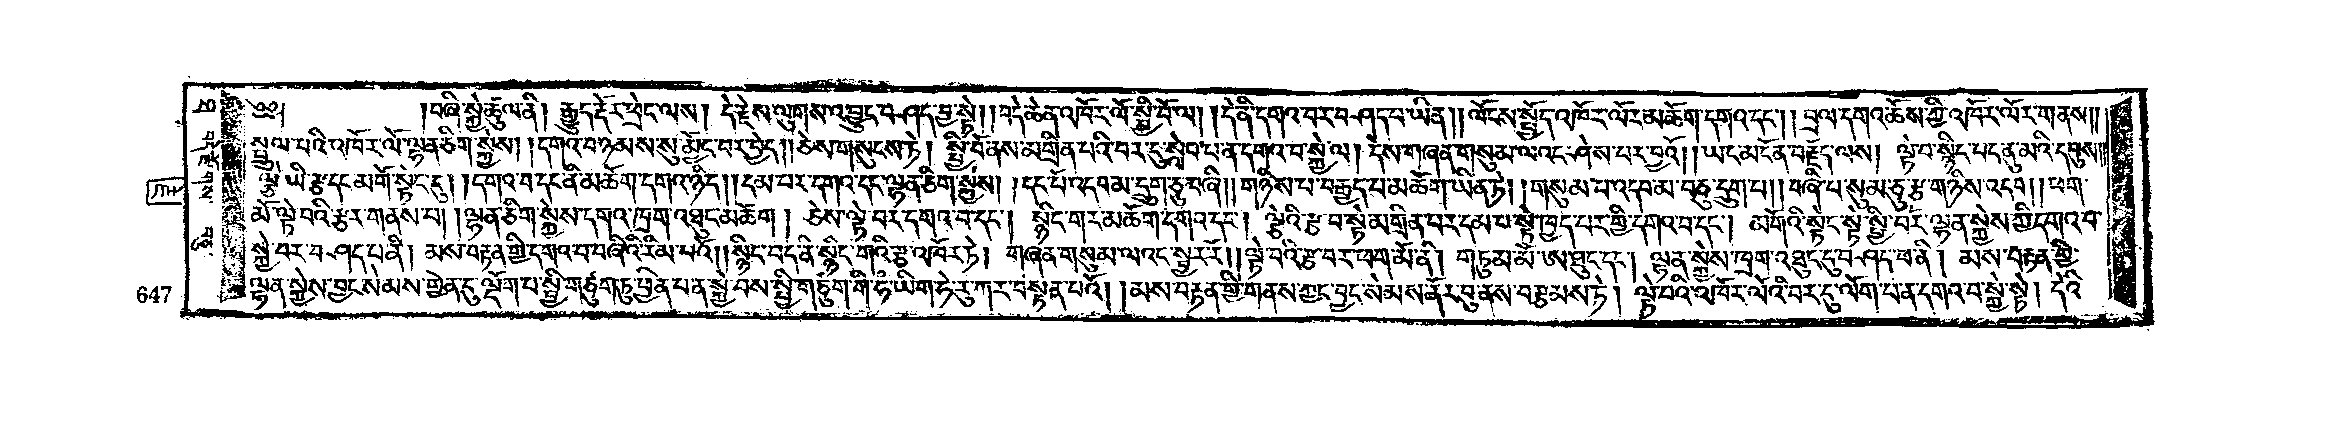༄༅། །བཞི་སྐྱེ་ཚུལ་ནི། རྒྱུད་རྡོར་ཕྲེང་ལས། དེ་རྗེས་ལུགས་འབྱུང་བཤད་བྱ་སྟེ། །བདེ་ཆེན་འཁོར་ལོ་སྤྱི་བོ་ལ། །དེ་ནི་དགའ་བར་བཤད་པ་ཡིན། །ལོངས་སྤྱོད་འཁོར་ལོར་མཆོག་དགའ་དང་། །བྲལ་དགའ་ཆོས་ཀྱི་འཁོར་ལོར་གནས། །
སྤྲུལ་པའི་འཁོར་ལོ་ལྷན་ཅིག་སྐྱེས། །དགའ་བ་ཉམས་སུ་མྱོང་བར་བྱེད། །ཅེས་གསུངས་ཏེ། སྤྱི་བོ་ནས་མགྲིན་པའི་བར་དུ་སླེབ་པ་ན་དགའ་བ་སྐྱེ་ལ། དེས་གཞན་གསུམ་ལའང་ཤེས་པར་བྱའོ། །ཡང་མངོན་བརྗོད་ལས། ལྟེ་བ་སྙིང་པད་ནུ་མའི་དབུས། །
ལྕེ་ཡི་རྩ་དང་མགོ་སྟེང་དུ། །དགའ་བ་དང་ནི་མཆོག་དགའ་ཉིད། །དམ་པར་དགའ་དང་ལྷན་ཅིག་སྐྱེས། །དང་པོ་འདབ་མ་དྲུག་ཅུ་བཞི། །གཉིས་པ་བརྒྱད་པ་མཆོག་ཡིན་ཏེ། །གསུམ་པ་འདབ་མ་བཅུ་དྲུག་པ། །བཞི་པ་སུམ་ཅུ་རྩ་གཉིས་འདབ། །ཕག་
མོ་ལྟེ་བའི་རྩར་གནས་པ། །ལྷན་ཅིག་སྐྱེས་དགའ་ཁྲག་འཐུང་མཆོག། ཅེས་ལྟེ་བར་དགའ་བ་དང་། སྙིང་གར་མཆོག་དགའ་དང་། ལྕེའི་རྩ་བ་སྟེ་མགྲིན་པར་དམ་པ་སྟེ་ཁྱད་པར་གྱི་དགའ་བ་དང་། མགོའི་སྟེང་སྟེ་སྤྱི་བོར་ལྷན་སྐྱེས་ཀྱི་དགའ་བ་
སྐྱེ་བར་བཤད་པ་ནི། མས་བརྟན་གྱི་དགའ་བ་བཞིའི་རིམ་པའོ། །སྙིང་པད་ནི་སྙིང་གའི་གའི་རྩ་འཁོར་ཏེ། གཞན་གསུམ་ལའང་སྦྱར་རོ། །ལྟེ་བའི་རྩ་བར་ཕག་མོ་ནི། གཏུམ་མོ་ཨ་ཐུང་དང་། ལྷན་སྐྱེས་ཁྲག་འཐུང་དུ་བཤད་པ་ནི། མས་བརྟན་གྱི་
ལྷན་སྐྱེས་བྱང་སེམས་གྱེན་དུ་ལྡོག་པ་སྤྱི་གཙུག་ཏུ་ཕྱིན་པ་ན་སྐྱེ་བས་སྤྱི་གཙུག་གི་ཧཾ་ཡིག་ཧེ་རུ་ཀར་བསྟན་པའོ། །མས་བརྟན་གྱི་གནས་ཀྱང་བྱང་སེམས་ནོར་བུ་ནས་བརྩམས་ཏེ། ལྟེ་བའི་འཁོར་ལོའི་བར་དུ་ལོག་པ་ན་དགའ་བ་སྐྱེ་སྟེ། དེའི་